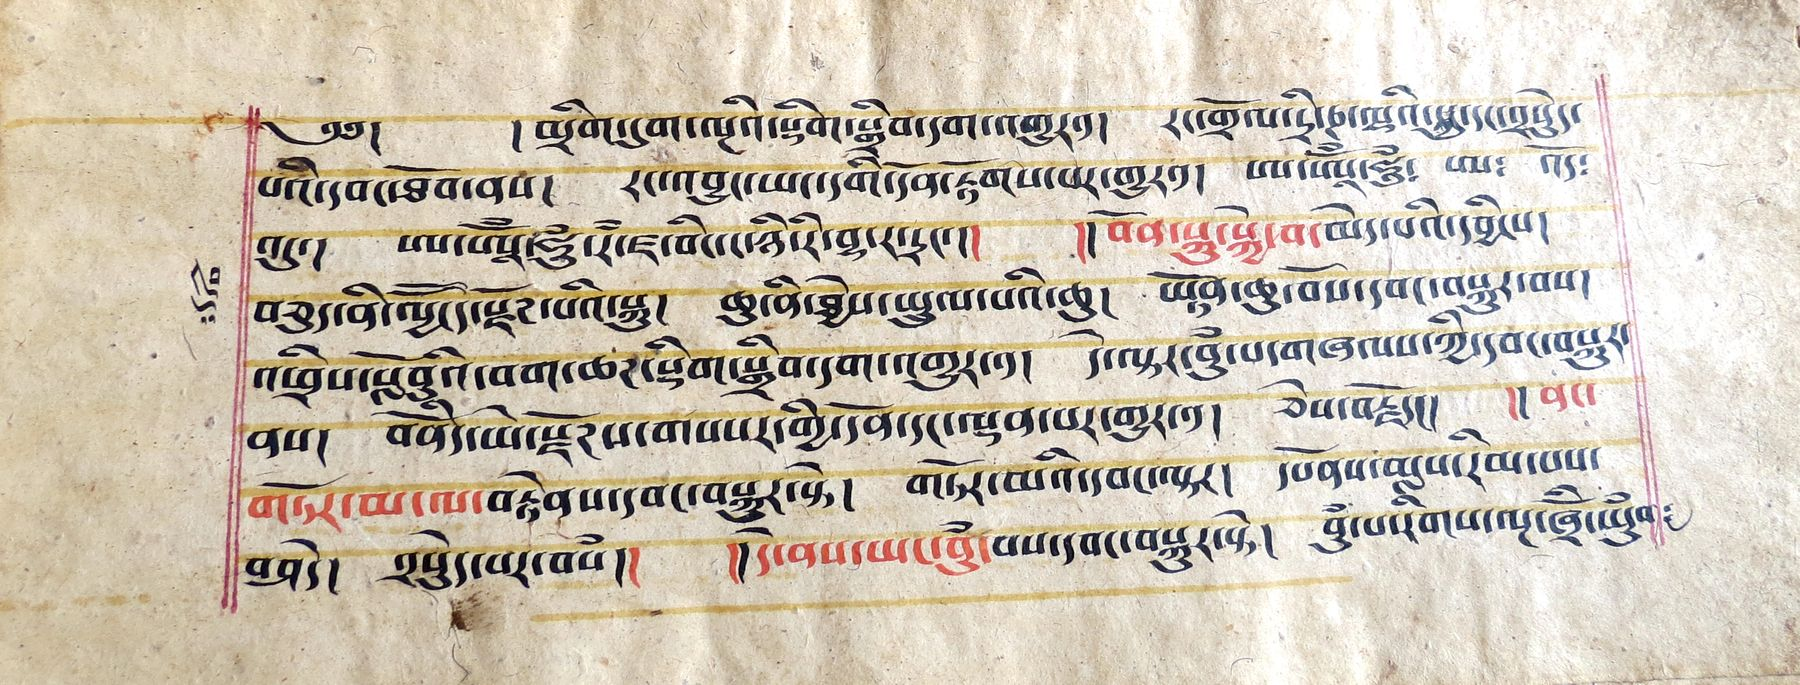མ་རིག་དུག་ལྔའི་སྡིག་སྒྲིབ་དག་འགྱུར་ཅིག། རང་གྲོལ་དྲི་མེད་ཡེ་ཤེས་ལྷའི་སྐུ་དང་གཉིས་སུ་མེད་
པའི་དབང་ཐོབ་ནས། ། རང་འབྱུང་ཡེ་དག་གི་དོན་རྟོགས་པར་གྱུར་ཅིག ། ཨ་ཨཱོྃ་ཧཱུྃ། ཨ་འོད་
འདུ། ཨ་ཨཱོྃ་ཧཱུྃ་རྃ་ཛཿ། བིང་ང་ཉི་རི་བྷ་ར་ཏྲང་། སྣོད་ནི་བོན་སྐུ་སྐྱེ་བ་མེད་པའི་དབྱིངས། ། 
བཅུད་ནི་ལོངས་སྤྱོད་རྫོགས་པའི་སྐུ། ། ཆུ་ནི་ཐུགས་རྗེ་སྤྲུལ་པའི་ཆུ། ། ཡོན་ཏན་ཆུ་བོས་དབང་བསྐུར་བས། ། 
འཕྲིན་ལས་སློབ་བུའི་བག་ཆགས་དག་འགྱུར་ཅིག དེ་ལྟར་བུམ་པ་གཞལ་ཡས་ཀྱི་དབང་བསྐུར་
བས། བོན་ཉིད་ཡེ་རྫོགས་གསས་མཁར་གྱི་དོན་དང་ལྡན་པར་གྱུར་ཅིག། ། ཅེས་བརྗོད་དོ། ། ནང་
གཏོར་མ་ལ་བརྟེན་ནས་དབང་བསྐུར་ཏེ། གཏོར་མའི་དབང་ལྟར་དཔོན་གསས་བླ་མ་རིམ་པས་
བཤེར་ཏེ་གཉིས་སུ་མེད་པར་བསམ། དེ་ནས་ཡང་བུམ་པས་དབང་བསྐུར་ཏེ། བུམ་པ་རིགས་ལྔ་ཞི་ཁྲོ་ཡབ་ཡུམ་